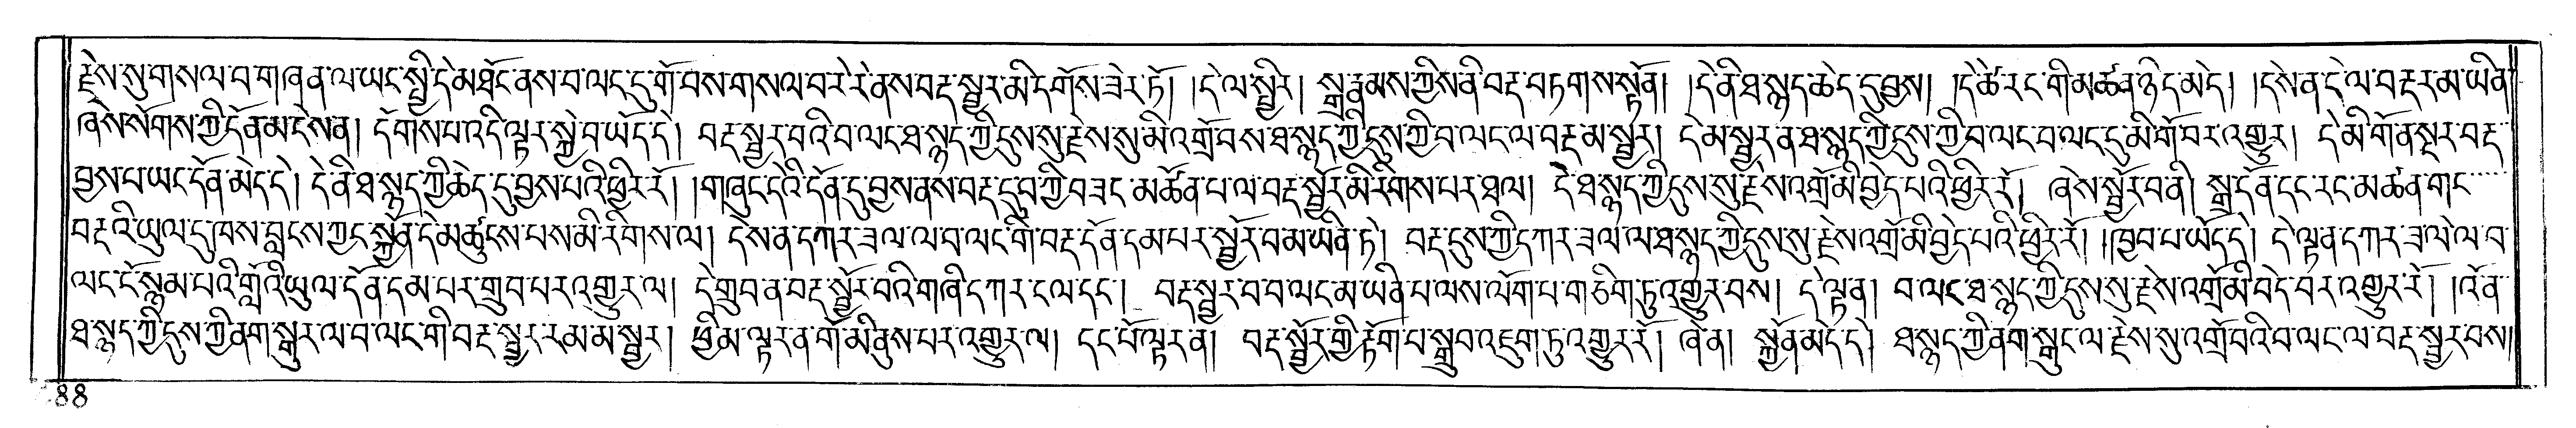རྗེས་སུ་གསལ་བ་གཞན་ལ་ཡང་སྤྱི་དེ་མཐོང་ནས་བ་ལང་དུ་གོ་བས་གསལ་བ་རེ་རེ་ནས་བརྡ་སྦྱར་མི་དགོས་ཟེར་ཏོ། །དེ་ལ་སྤྱིར། སྒྲ་རྣམས་ཀྱིས་ནི་བརྡ་བཏགས་སྟོན། །དེ་ནི་ཐ་སྙད་ཆེད་དུ་བྱས། །དེ་ཚེ་རང་གི་མཚན་ཉིད་མེད། །དེས་ན་དེ་ལ་བརྡར་མ་ཡིན།
ཞེས་སོགས་ཀྱི་དོན་མ་ངེས་ན། དོགས་པ་འདི་ལྟར་སྐྱེ་བ་ཡོད་དེ། བརྡ་སྦྱར་བའི་བ་ལང་ཐ་སྙད་ཀྱི་དུས་སུ་རྗེས་སུ་མི་འགྲོ་བས་ཐ་སྙད་ཀྱི་དུས་ཀྱི་བ་ལང་ལ་བརྡ་མ་སྦྱར། དེ་མ་སྦྱར་ན་ཐ་སྙད་ཀྱི་དུས་ཀྱི་བ་ལང་བ་ལང་དུ་མི་གོ་བར་འགྱུར། དེ་མི་གོ་ན་སྔར་བརྡ་
བྱས་པ་ཡང་དོན་མེད་དེ། དེ་ནི་ཐ་སྙད་ཀྱི་ཆེད་དུ་བྱས་པའི་ཕྱིར་རོ། །གཞུང་དེའི་དོན་དུ་བྱས་ནས་བརྡ་དུས་ཀྱི་བ་ལང་མཚོན་པ་ལ་བརྡ་སྦྱོར་མི་རིགས་པར་ཐལ། ད་ཐ་སྙད་ཀྱི་དུས་སུ་རྗེས་འགྲོ་མི་བྱེད་པའི་ཕྱིར་རོ། ཞེས་སྦྱོར་བ་ནི། སྒྲ་དོན་དང་རང་མཚན་གང་
བརྡའི་ཡུལ་དུ་ཁས་བླངས་ཀྱང་སྐྱོན་དེ་མཚུངས་པས་མི་རིགས་ལ། དེས་ན་དཀར་ཟལ་ལ་བ་ལང་གི་བརྡ་དོན་དམ་པར་སྦྱོར་བ་མ་ཡིན་ཏེ། བརྡ་དུས་ཀྱི་དཀར་ཟལ་ལ་ཐ་སྙད་ཀྱི་དུས་སུ་རྗེས་འགྲོ་མི་བྱེད་པའི་ཕྱིར་རོ། །ཁྱབ་པ་ཡོད་དེ། དེ་ལྟ་ན་དཀར་ཟལ་ལེ་བ་
ལང་ངོ་སྙམ་པའི་བློའི་ཡུལ་དོན་དམ་པར་གྲུབ་པར་འགྱུར་ལ། དེ་གྲུབ་ན་བརྡ་སྦྱོར་བའི་གཞི་དཀར་ཟལ་དང་། བརྡ་སྦྱར་བ་བ་ལང་མ་ཡིན་པ་ལས་ལོག་པ་གཅིག་ཏུ་འགྱུར་བས། དེ་ལྟ་ན། བ་ལང་ཐ་སྙད་ཀྱི་དུས་སུ་རྗེས་འགྲོ་མི་བྱེད་པར་འགྱུར་རོ། །འོ་ན་
ཐ་སྙད་ཀྱི་དུས་ཀྱི་ནག་སྒུར་ལ་བ་ལང་གི་བརྡ་སྦྱར་རམ་མ་སྦྱར། ཕྱི་མ་ལྟར་ན་གོ་མི་ནུས་པར་འགྱུར་ལ། དང་པོ་ལྟར་ན། བརྡ་སྦྱོར་གྱི་རྟོག་པ་སྒྲུབ་འཇུག་ཏུ་འགྱུར་རོ། ཞེ་ན། སྐྱོན་མེད་དེ། ཐ་སྙད་ཀྱི་ནག་སྒུར་ལ་རྗེས་སུ་འགྲོ་བའི་བ་ལང་ལ་བརྡ་སྦྱར་བས།